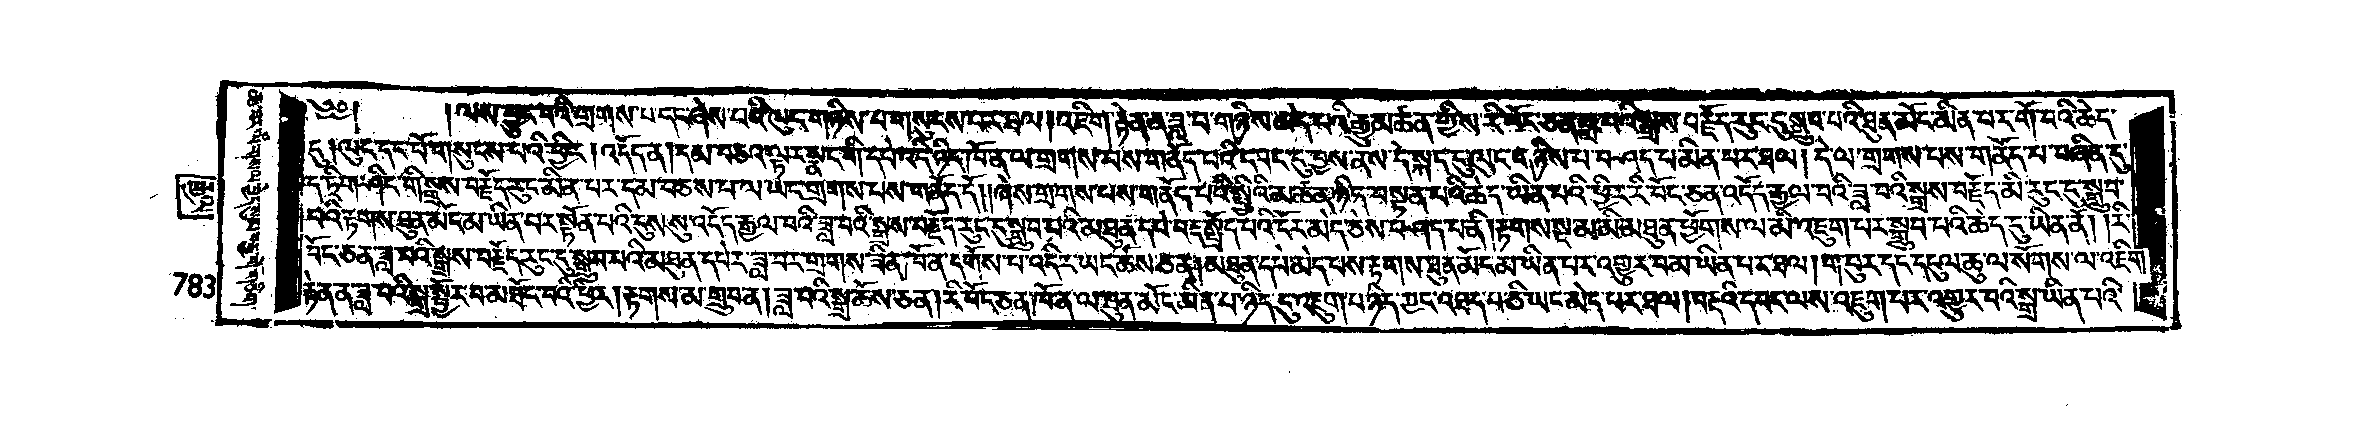༄༅། །ལས་བྱུང་བའི་གྲགས་པ་དང་ཞེས་པའི་ལུང་གཉིས་པ་གསུངས་པར་ཐལ། འཇིག་རྟེན་ན་ཟླ་བ་གཉིས་མེད་པའི་རྒྱུ་མཚན་གྱིས་རི་བོང་ཅན་ཟླ་བའི་སྒྲས་བརྗོད་རུང་དུ་སྒྲུབ་པའི་ཐུན་མོང་མིན་པར་གོ་བའི་ཆེད་
དུ། ལུང་དང་པོ་གསུངས་པའི་ཕྱིར། འདོད་ན། དམ་བཅའ་ལྟར་སྣང་གི་དཔེ་འདི་ཉིད་ཁོ་ན་ལ་གྲགས་པས་གནོད་པའི་དབང་དུ་བྱས་ནས་དེ་སྐད་དུ་ལུང་གཉིས་པ་བཤད་པ་མིན་པར་ཐལ། དེ་ལ་གྲགས་པས་གནོད་པ་བཞིན་དུ་
ད་ཏྲིག་ཤིང་གི་སྒྲས་བརྗོད་རུང་མིན་པར་དམ་བཅས་པ་ལ་ཡང་གྲགས་པས་གནོད་དོ། །ཞེས་གྲགས་པས་གནོད་པའི་སྤྱིའི་མཚན་ཉིད་བསྟན་པའི་ཆེད་ཡིན་པའི་ཕྱིར་རི་བོང་ཅན་འདོད་རྒྱལ་བའི་ཟླ་བའི་སྒྲས་བརྗོད་མི་རུང་དུ་སྒྲུབ་
པའི་རྟགས་ཐུན་མོང་མ་ཡིན་པར་སྟོན་པའི་དུས་སུ་འདོད་རྒྱལ་བའི་ཟླ་བའི་སྒྲས་བརྗོད་རུང་དུ་སྒྲུབ་པའི་མཐུན་དཔེ་བརྡ་སྤྲོད་པའི་ངོར་མེད་ཅེས་བཤད་པ་ནི། རྟགས་སྔ་མ་མི་མཐུན་ཕྱོགས་ལ་མི་འཇུག་པར་སྒྲུབ་པའི་ཆེད་དུ་ཡིན་ནོ། །རི་
བོང་ཅན་ཟླ་བའི་སྒྲས་བརྗོད་རུང་དུ་སྒྲུབ་པའི་མཐུན་དཔེར་ཟླ་བར་གྲགས་ཟིན་ཁོ་ན་དགོས་པ་འདིར་ཡང་ཆོས་ཅན། མཐུན་དཔེ་མེད་པས་རྟགས་ཐུན་མོང་མ་ཡིན་པར་འགྱུར་བ་མ་ཡིན་པར་ཐལ། ག་བུར་དང་དངུལ་ཆུ་ལ་སོགས་ལ་འཇིག་
རྟེན་ན་ཟླ་བའི་སྒྲ་སྦྱོར་བ་མཐོང་བའི་ཕྱིར། རྟགས་མ་གྲུབ་ན། ཟླ་བའི་སྒྲ་ཆོས་ཅན། རི་བོང་ཅན་ཁོ་ན་ལ་ཐུན་མོང་མིན་པ་ཉིད་དུ་འཇུག་པ་ཉིད་ཀྱང་འཐད་པ་ཅི་ཡང་མེད་པར་ཐལ། བརྡའི་དབང་ལས་འཇུག་པར་འགྱུར་བའི་སྒྲ་ཡིན་པའི་